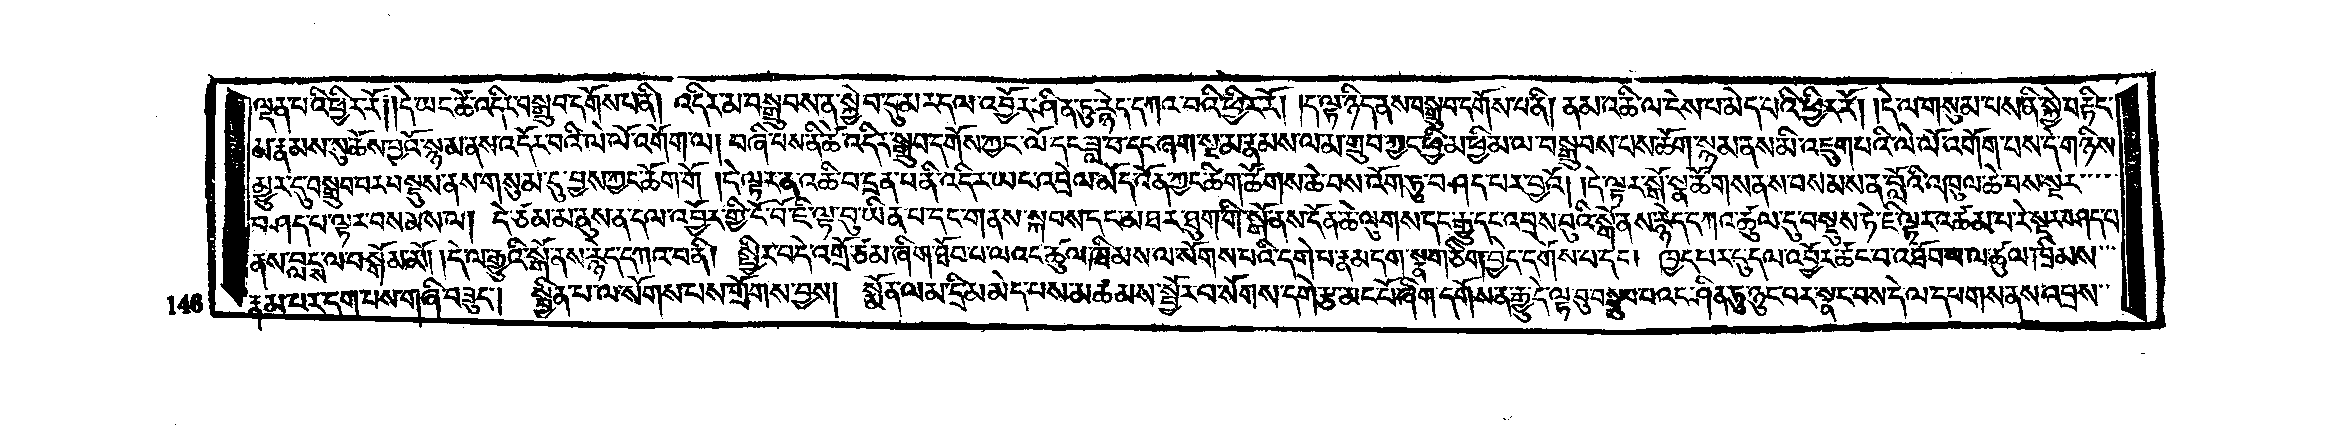ལྡན་པའི་ཕྱིར་རོ། །དེ་ཡང་ཚེ་འདིར་བསྒྲུབ་དགོས་པ་ནི། འདིར་མ་བསྒྲུབས་ན་སྐྱེ་བ་དུ་མར་དལ་འབྱོར་ཤིན་ཏུ་རྙེད་དཀའ་བའི་ཕྱིར་རོ། །ད་ལྟ་ཉིད་ནས་བསྒྲུབ་དགོས་པ་ནི། ནམ་འཆི་ལ་ངེས་པ་མེད་པའི་ཕྱིར་རོ། །དེ་ལ་གསུམ་པས་ནི་སྐྱེ་བ་བརྟིང་
མ་རྣམས་སུ་ཆོས་བྱའོ་སྙམ་ནས་འདོར་བའི་ལེ་ལོ་འགོག་ལ། བཞི་པས་ནི་ཚེ་འདིར་སྒྲུབ་དགོས་ཀྱང་ལོ་དང་ཟླ་བ་དང་ཞག་སྔ་མ་རྣམས་ལ་མ་གྲུབ་ཀྱང་ཕྱི་མ་ཕྱི་མ་ལ་བསྒྲུབས་པས་ཆོག་སྙམ་ནས་མི་འཇུག་པའི་ལེ་ལོ་འགོག་པས་དེ་གཉིས་
མྱུར་དུ་བསྒྲུབ་པར་བསྡུས་ནས་གསུམ་དུ་བྱས་ཀྱང་ཆོག་གོ །དེ་ལྟར་ན་འཆི་བ་དྲན་པ་ནི་འདིར་ཡང་འབྲེལ་མོད་འོན་ཀྱང་ཚིག་ཚོགས་ཆེ་བས་འོག་ཏུ་བཤད་པར་བྱའོ། །དེ་ལྟར་སྒོ་སྣ་ཚོགས་ནས་བསམས་ན་བློའི་འཁུལ་ཆེ་བས་སྔར་
བཤད་པ་ལྟར་བསམས་ལ། དེ་ཙམ་མ་ནུས་ན་དལ་འབྱོར་གྱི་ངོ་བོ་ཇི་ལྟ་བུ་ཡིན་པ་དང་གནས་སྐབས་དང་མཐར་ཐུག་གི་སྒོ་ནས་དོན་ཆེ་ལུགས་དང་རྒྱུ་དང་འབྲས་བུའི་སྒོ་ནས་རྙེད་དཀའ་ཚུལ་དུ་བསྡུས་ཏེ་ཇི་ལྟར་འཚམ་པ་རེ་སྔར་བཤད་པ་
ནས་བླངས་ལ་བསྒོམ་མོ། །དེ་ལ་རྒྱུའི་སྒོ་ནས་རྙེད་དཀའ་བ་ནི། སྤྱིར་བདེ་འགྲོ་ཙམ་ཞིག་ཐོབ་པ་ལའང་ཚུལ་ཁྲིམས་ལ་སོགས་པའི་དགེ་བ་རྣམ་དག་སྣ་གཅིག་བྱེད་དགོས་པ་དང་། ཁྱད་པར་དུ་དལ་འབྱོར་ཚང་བ་འཐོབ་པ་ལ་ཚུལ་ཁྲིམས་
རྣམ་པར་དག་པས་གཞི་བཟུང་། སྦྱིན་པ་ལ་སོགས་པས་གྲོགས་བྱས། སྨོན་ལམ་དྲི་མ་མེད་པས་མཚམས་སྦྱོར་བ་སོགས་དགེ་རྩ་མང་པོ་ཞིག་དགོས་ན་རྒྱུ་དེ་ལྟ་བུ་བསྒྲུབ་པའང་ཤིན་ཏུ་ཉུང་བར་སྣང་བས་དེ་ལ་དཔགས་ནས་འབྲས་